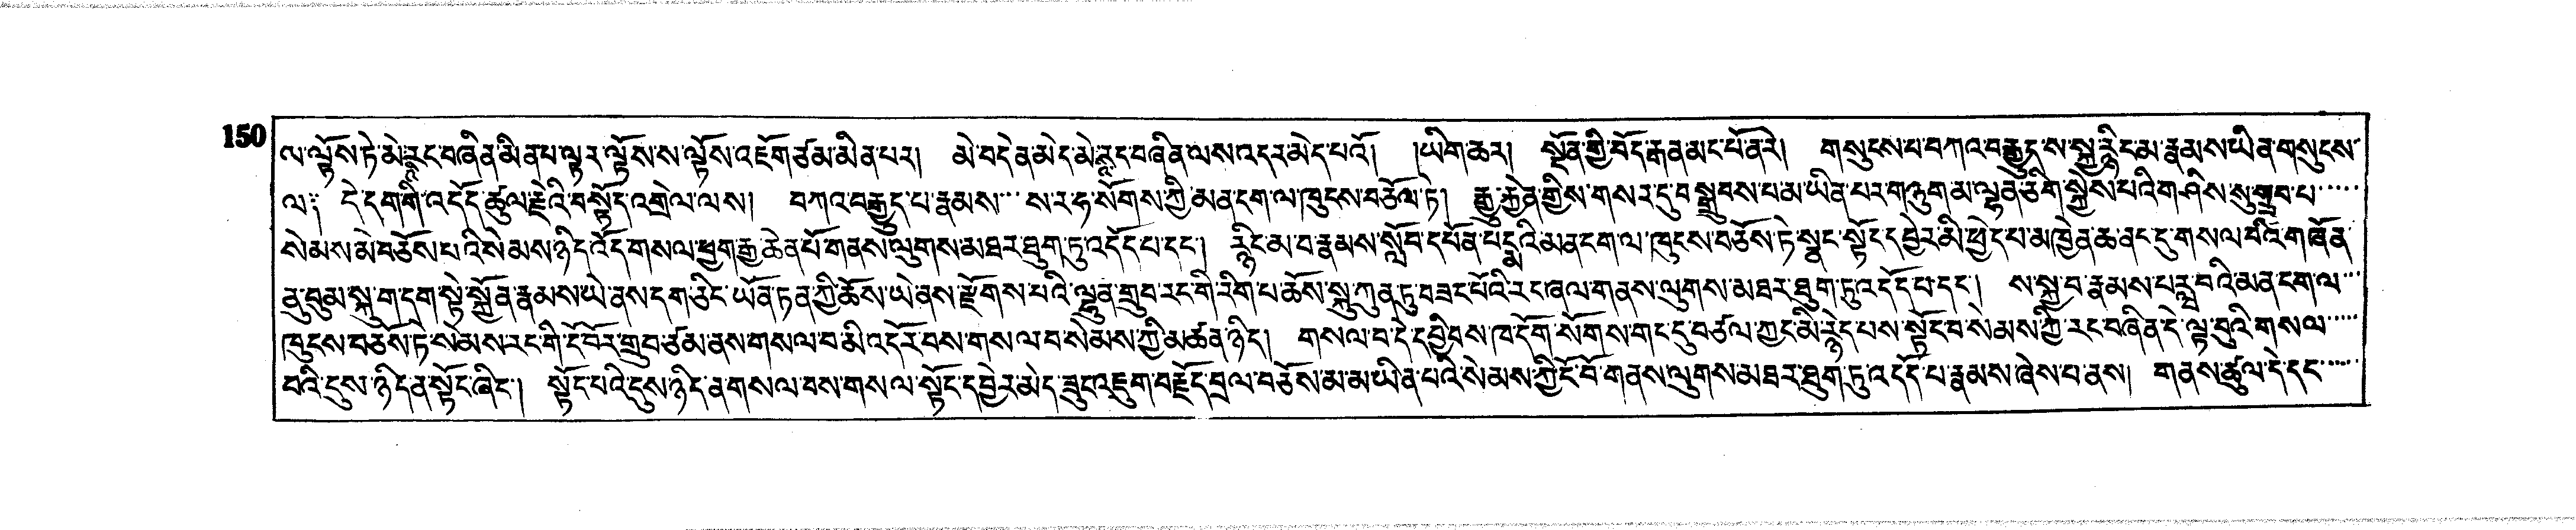ལ་ལྟོས་ཏེ་མེའི་རང་བཞིན་མིན་པ་ལྟར་ལྟོས་ས་ལྟོས་འཇོག་ཙམ་མིན་པར། མེ་བདེན་མེད་མེའི་རང་བཞིན་ལས་འདར་མེད་པའོ། །ཡིག་ཆར། སྔོན་གྱི་བོད་རྒན་མང་པོ་ན་རེ། གསུངས་པ་བཀའ་བརྒྱུད་ས་སྐྱ་རྙིང་མ་རྣམས་ཡིན་གསུངས་
ལ༑ དེ་དག་གི་འདོད་ཚུལ་རྗེའི་བསྟོད་འགྲེལ་ལས། བཀའ་བརྒྱུད་པ་རྣམས་ས་ར་ཧ་སོགས་ཀྱི་མན་ངག་ལ་ཁུངས་བཅོལ་ཏེ། རྒྱུ་རྐྱེན་གྱིས་གསར་དུ་བསྒྲུབས་པ་མ་ཡིན་པར་གཉུག་མ་ལྷན་ཅིག་སྐྱེས་པའི་གཤིས་སུ་གྲུབ་པ་
སེམས་མེ་བཅོས་པའི་སེམས་ཉིད་འོད་གསལ་ཕྱག་རྒྱ་ཆེན་པོ་གནས་ལུགས་མཐར་ཐུག་ཏུ་འདོད་པ་དང་། རྙིང་མ་བ་རྣམས་སློབ་དཔོན་པདམའི་མན་ངག་ལ་ཁུངས་བཅོས་ཏེ་སྣང་སྟོང་དབྱེར་མི་ཕྱེད་པ་མཁྱེན་ཆ་ནང་དུ་གསལ་བའི་གཞོན་
ནུ་བུམ་སྐུ་ག་དག་སྟེ་སྐྱོན་རྣམས་ཡེ་ནས་དག་ཅིང་ཡོན་ཏན་ཀྱི་ཆོས་ཡེ་ནས་རྫོགས་པའི་ལྷུན་གྲུབ་རང་གི་རིག་པ་ཆོས་སྐུ་ཀུན་ཏུ་བཟང་པོའི་རང་ཞལ་གནས་ལུགས་མཐར་ཐུག་ཏུ་འདོད་པ་དང་། ས་སྐྱ་བ་རྣམས་པར་ཝ་བའི་མན་ངག་ལ་
ཁུངས་བཅོས་ཏེ་སེམས་རང་གི་ངོ་བོར་གྲུབ་ཙམ་ནས་གསལ་བ་མི་འདོར་བས་གསལ་བ་སེམས་ཀྱི་མཚན་ཉིད། གསལ་བ་དེ་དབྱིབས་ཁ་དོག་སོགས་གང་དུ་བཙལ་ཀྱང་མི་རྙེད་པས་སྟོང་བ་སེམས་ཀྱི་རང་བཞིན་དེ་ལྟ་བུའི་གསལ་
བའི་དུས་ཉིད་ན་སྟོང་ཞིང་། སྟོང་པའི་དུས་ཉིད་ན་གསལ་བས་གསལ་སྟོང་དབྱེར་མེད་ཟུང་འཇུག་བརྗོད་བྲལ་བཅོས་མ་མ་ཡིན་པའི་སེམས་ཀྱི་ངོ་བོ་གནས་ལུགས་མཐར་ཐུག་ཏུ་འདོད་པ་རྣམས་ཞེས་པ་ནས། གནས་ཚུལ་དེ་དན་